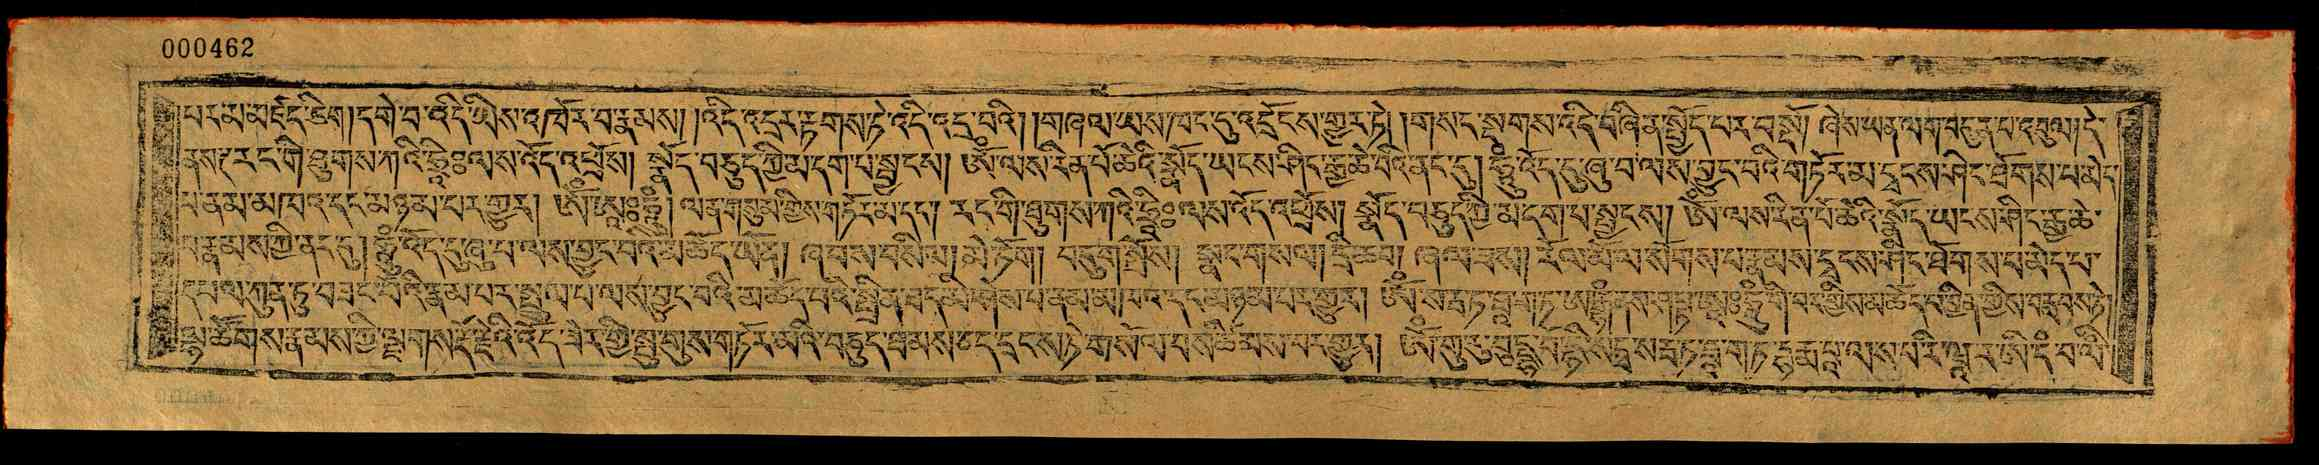བར་མ་མཛད་ཅེག །དགེ་བ་འདི་ཡིས་འཁོར་བ་རྣམས། །འདི་འདྲར་རྟོགས་ཏེ་འདི་འདྲ་བའི། །གཞལ་ཡས་ཁང་དུ་འདྲོངས་གྱུར་ཏེ། །གསང་སྔགས་འདི་བཞིན་སྤྱོད་པར་བསྔོ། ཞེས་ཡན་ལག་བདུན་པ་འབུལ། དེ་
ནས༑ རང་གི་ཐུགས་ཀའི་ཧྲཱིཿ ལས་འོད་འཕྲོས། སྣོད་བཅུད་ཀྱི་མ་དག་པ་སྦྱངས། ཨོཾ་ལས་རིན་པོ་ཆེའི་སྣོང་ཡངས་ཤིང་རྒྱ་ཆེ་བའི་ནང་དུ། ཧཱུཾ་འོད་དུ་ཞུ་བ་ལས་བྱུང་བའི་གཏོར་མ་དྭངས་ཤིང་ཐོགས་པ་མེད་
པ་ནམ་མཁའ་དང་མཉམ་པར་གྱུར། ཨོཾ་ཨཱཿ ཧཱཾ། ལན་གསུམ་གྱིས་གཏོར་མ་དང་།  རང་གི་ཐུགས་ཀའི་ཧྲཱིཿ ལས་འོད་འཕྲོས། སྣོད་བཅུད་ཀྱི་མ་དག་པ་སྦྱངས། ཨོཾ་ལས་རིན་པོ་ཆེའི་སྣོང་ཡངས་ཤིང་རྒྱ་ཆེ་
བ་རྣམས་ཀྱི་ནང་དུ། ཧཱུཾ་འོད་དུ་ཞུ་བ་ལས་བྱུང་བའི་མཆོད་ཡོན། ཞབས་བསིལ། མེ་ཏོག། བདུག་སྤེས། སྣང་གསལ། དྲི་ཆ་བ། ཞལ་ཟས། རོལ་མོ་ལ་སོགས་པ་རྣམས་དྭངས་ཤིང་ཐོགས་པ་མེད་པ་
དཔལ་ཀུན་ཏུ་བཟང་པོའི་རྣམ་པར་སྤྲུལ་པ་ལས་བྱུང་བའི་མཆོད་པའི་སྤྲིན་ཟད་མི་ཤེས་པ་ནམ་མཁའ་དང་མཉམ་པར་གྱུར། ཨོཾ་སརྦ་ཏ་ཐས་ཏ་ཨ་རྒྷཾ་ནས་ཤབཏ་ཨཱཿ ཧཱུཾ་གི་བར་གྱིས་མཆོད་པ་བྱིན་གྱིས་བརླབས་ཏེ་
ལྷ་ཚོགས་རྣམས་ཀྱི་ལྗགས་རྡོ་རྗེའི་འོད་ཟེར་གྱི་སྦུ་གུས་གཏོར་མའི་བཅུད་ཐམས་ཅད་དྲངས་ཏེ་གསོལ་བས་ཚིམས་པར་གྱུར། ཨོཾ་གུ་རུ་བུདྡྷ་བོ་དྷི་ས་ཏྭ་སརྦ་ཏ་ཐཱ་ག་ཏ་དྷརྨ་པཱ་ལ་ས་པ་རི་ཝཾ་ར་ཨི་དཾ་བ་ལིཾ་